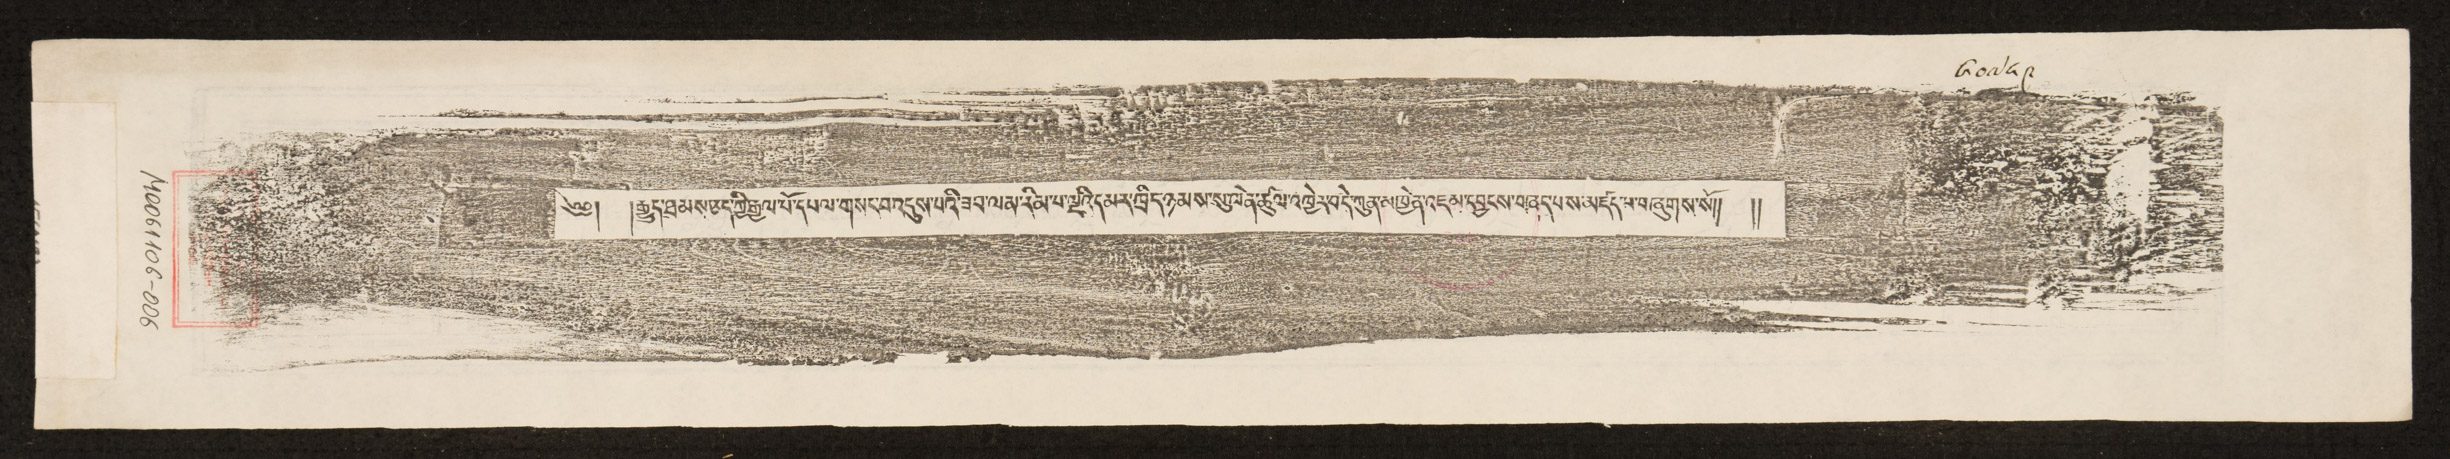༄༅། །རྒྱུད་ཐམས་ཅད་ཀྱི་རྒྱལ་པོ་དཔལ་གསང་བ་འདུས་པའི་ཟབ་ལམ་རིམ་པ་ལྔའི་དམར་ཁྲིད་ཉམས་སུ་ལེན་ཚུལ་འཁྱེར་བདེ་ཀུན་མཁྱེན་འཇམ་དབྱངས་བཞད་པས་མཛད་པ་བཞུགས་སོ།།